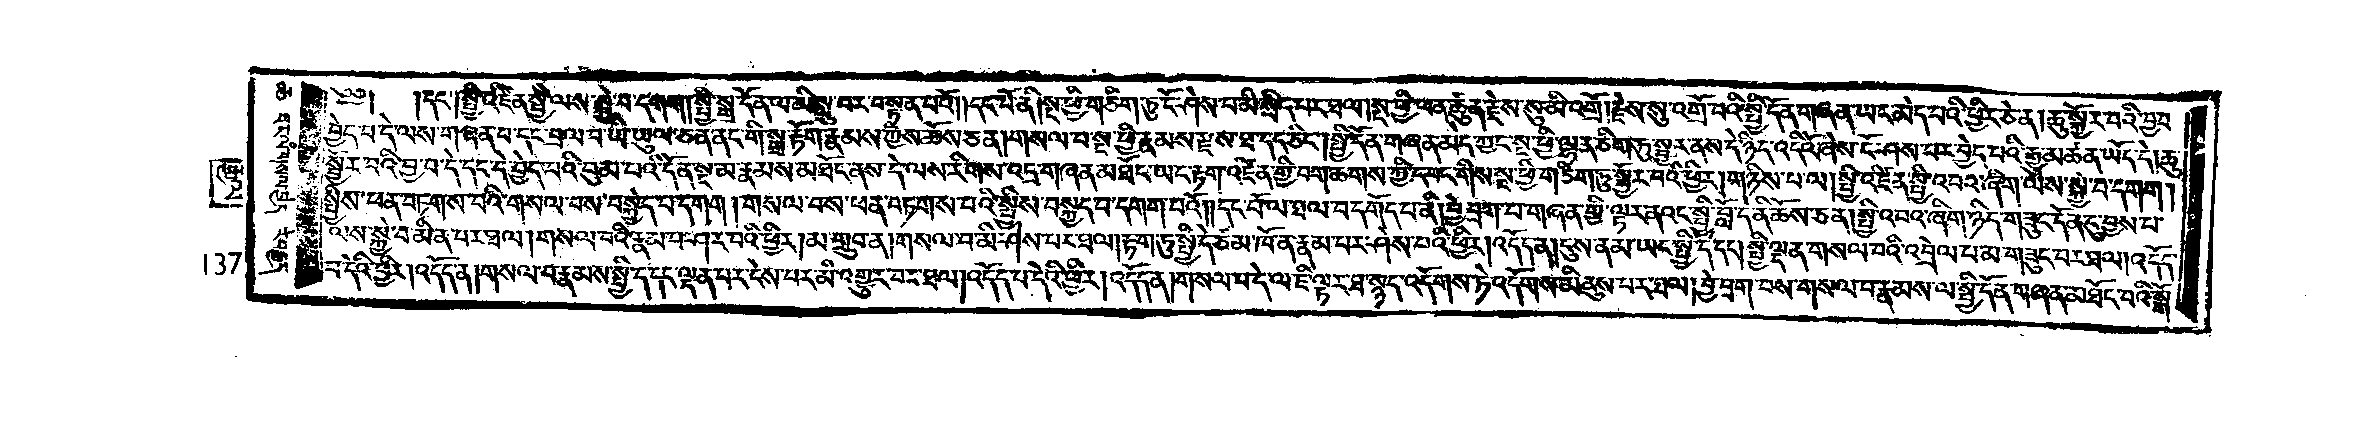༄༅། །དང་། སྤྱི་འཛིན་སྤྱི་ལས་སྐྱེ་བ་དགག། སྤྱི་སྒྲ་དོན་ལ་མི་སླུ་བར་བསྟན་པའོ། །དང་པོ་ནི། སྔ་ཕྱི་གཅིག་ཏུ་ངོ་ཤེས་པ་མི་སྲིད་པར་ཐལ། སྔ་ཕྱི་ཕན་ཚུན་རྗེས་སུ་མི་འགྲོ། རྗེས་སུ་འགྲོ་བའི་སྤྱི་དོན་གཞན་ཡང་མེད་པའི་ཕྱིར་ཅེ་ན། ཆུ་སྐྱོར་བའི་བྱ་བ་
བྱེད་པ་དེ་ལས་གཞན་པ་དང་བྲལ་བ་ཡི་ཡུལ་ཅན་ནང་གི་སྒྲ་རྟོག་རྣམས་ཀྱིས་ཆོས་ཅན། གསལ་བ་སྔ་ཕྱི་རྣམས་རྫས་ཐ་དད་ཅིང་། སྤྱི་དོན་གཞན་མེད་ཀྱང་སྤ་ཕྱི་ལྷན་ཅིག་ཏུ་སྦྱར་ནས་དེ་ཉིད་འདིའོ་ཞེས་ངོ་ཤས་པར་བྱེད་པའི་རྒྱུ་མཚན་ཡོད་དེ། ཆུ་
སྦྱོར་བའི་བྱ་བ་དེ་དང་དེ་བྱེད་པའི་བུམ་པའི་དོན་སྔ་མ་རྣམས་མཐོང་ནས་དེ་ལས་རིགས་འདྲ་གཞན་མཐོང་ཡང་རྟག་འཛིན་གྱི་བག་ཆགས་ཀྱི་དབང་གིས་སྔ་ཕྱི་གཅིག་ཏུ་སྦྱོར་བའི་ཕྱིར། གཉིས་པ་ལ། སྤྱི་འཛིན་སྤྱི་འབའ་ཞིག་ལས་སྐྱེ་བ་དགག །
སྤྱིས་ཕན་བཏགས་པའི་གསལ་བས་བསྐྱེད་པ་དགག །གསལ་བས་ཕན་བཏགས་པའི་སྤྱིས་བསྐྱེད་བ་དགག་པའོ། །དང་པོ་ལ་ཐལ་བ་དགོད་པ་ནི། བྱེ་བྲག་པ་གཞན་གྱི་ལྟར་ནའང་སྤྱི་བློ་དེ་ནི་ཆོས་ཅན། སྤྱི་འབའ་ཞིག་ཉིད་གཟུང་དོན་དུ་བྱས་པ་
ལས་སྐྱེ་བ་མིན་པར་ཐལ། གསལ་བའི་རྣམ་པ་ཤར་བའི་ཕྱིར། མ་གྲུབ་ན། གསལ་བ་མི་ཤེས་པར་ཐལ། རྟག་ཏུ་སྤྱི་དེ་ཙམ་ཁོ་ན་རྣམ་པར་ཤེས་པའི་ཕྱིར། འདོད་ན། དུས་ནམ་ཡང་སྤྱི་དེ་དང་། སྤྱི་ལྡན་གསལ་བའི་འབྲེལ་པ་མ་གཟུང་བར་ཐལ། འདོད་
བ་དེའི་ཕྱིར། འདོད་ན། གསལ་བ་རྣམས་སྤྱི་དེ་དང་ལྡན་པར་ངེས་པར་མི་འགྱུར་བར་ཐལ། འདོད་པ་དེའི་ཕྱིར། འདོད་ན། གསལ་བ་དེ་ལ་ཇི་ལྟར་ཐ་སྙད་འདོགས་ཏེ་འདོགས་མི་ནུས་པར་ཐལ། བྱེ་བྲག་པས་གསལ་བ་རྣམས་ལ་སྤྱི་དོན་གཞན་མཐོང་བའི་སྒོ་